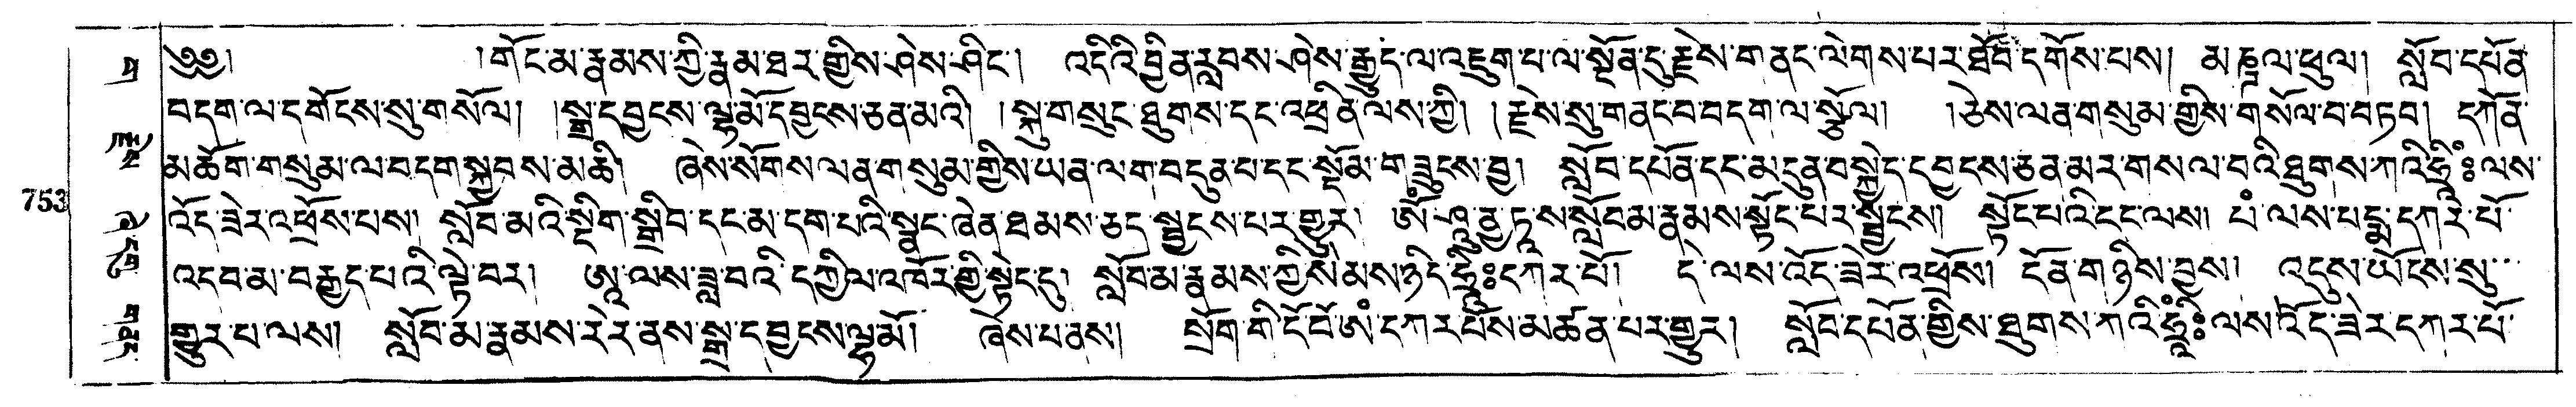གོང་མ་རྣམས་ཀྱི་རྣམ་ཐར་གྱིས་ཤེས་ཤིང་། འདིའི་བྱིན་རླབས་ཤེས་རྒྱུད་ལ་འཇུག་པ་ལ་སྔོན་དུ་རྗེས་གནང་ལེགས་པར་ཐོབ་དགོས་པས། མཎྜལ་ཕུལ། སློབ་དཔོན་
བདག་ལ་དགོངས་སུ་གསོལ། །སྒྲ་དབྱངས་ལྷ་མོ་དབྱངས་ཅན་མའི། །སྐུ་གསུང་ཐུགས་དང་འཕྲིན་ལས་ཀྱི། །རྗེས་སུ་གནང་བ་བདག་ལ་སྩོལ། །ཅེས་ལན་གསུམ་གྱིས་གསོལ་བ་བཏབ། དཀོན་
མཆོག་གསུམ་ལ་བདག་སྐྱབས་མཆི། ཞེས་སོགས་ལན་གསུམ་གྱིས་ཡན་ལག་བདུན་པ་དང་སྡོམ་གཟུངས་བྱ། སློབ་དཔོན་དང་མདུན་བསྐྱེད་དབྱངས་ཅན་མར་གསལ་བའི་ཐུགས་ཀའི་ཧྲཱིཾཿ ལས་
འོད་ཟེར་འཕྲོས་པས། སློབ་མའི་སྡིག་སྒྲིབ་དང་མ་དག་པའི་སྣང་ཞེན་ཐམས་ཅད་སྦྱངས་པར་གྱུར། ཨོཾ་ཤཱུ་ནྱ་ཏཱ་ས་སློབ་མ་རྣམས་སྟོང་པར་སྦྱངས། སྟོང་པའི་ངང་ལས། པཾ་ལས་པདམ་དཀར་པོ་
འདབ་མ་བརྒྱད་པའི་ལྟེ་བར། ཨཱ་ལས་ཟླ་བའི་དཀྱིལ་འཁོར་གྱི་སྟེང་དུ། སློབ་མ་རྣམས་ཀྱི་སེམས་ཉིད་ཧྲཱིཿ དཀར་པོ། དེ་ལས་འོད་ཟེར་འཕྲོས། དོན་གཉིས་བྱས། འདུས་ཡོངས་སུ་
གྱུར་པ་ལས། སློབ་མ་རྣམས་རེར་ནས་སྒྲ་དབྱངས་ལྷ་མོ། ཞེས་པ་ནས། སྲོག་གི་ངོ་བོ་ཨཾ་དཀར་པོས་མཚན་པར་གྱུར། སློབ་དཔོན་གྱིས་ཐུགས་ཀའི་ཧྲཱིཾཿ ལས་འོད་ཟེར་དཀར་པོ་